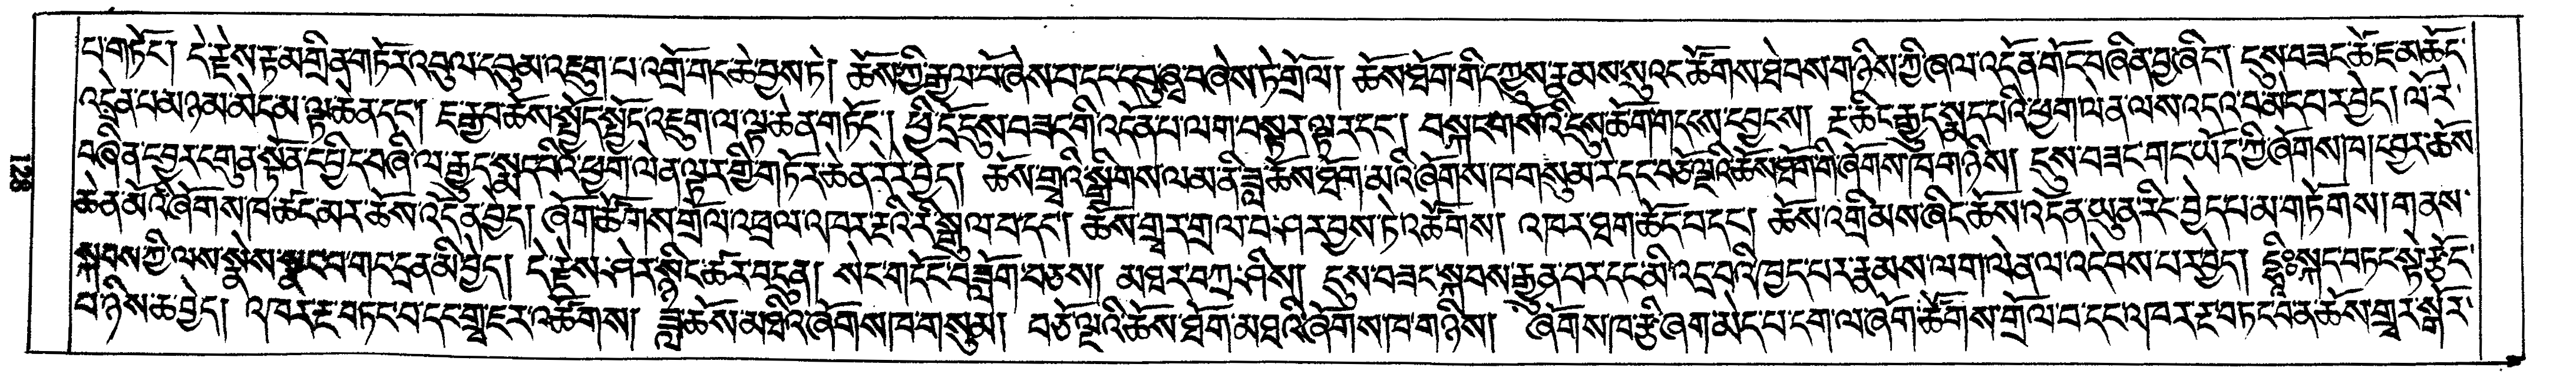པ་གཏོང་། དེ་རྗེས་རྟ་མགྲིན་གཏོར་འབུལ་དབུ་མ་འཇུག་པ་འགྲོ་གང་ཆེ་བྱས་ཏེ། ཆོས་ཀྱི་རྒྱལ་པོ་ཞེས་པ་དང་དབུ་ཞྭ་བཞེས་ཏེ་གྲོལ། ཆོས་ཐོག་གི་དཀྱུས་རྣམས་སུའང་ཚོགས་ཐེབས་གཉིས་ཀྱི་ཞལ་འདོན་གོང་བཞིན་བྱ་ཞིང་། དུས་བཟང་ཚེ་ཇ་མཆོད་
འདྲེན་པ་མཉམ་མེད་མ་ལྟ་ཆེན་དང་། ཇ་རྒྱབ་ཆོས་སྤྱོད་སྤྱོད་འཇུག་ལ་ལྟ་ཆེན་གཏོང་། ཕྱི་དྲོ་དུས་བཟང་གི་འདོན་པ་ལག་བསྟར་ལྟར་དང་། བསྐང་གསོའི་དུས་ཆོག་གདངས་དབྱངས། རྡ་ཆིང་རྒྱུད་སྨད་པའི་ཕྱག་ལེན་ལས་འདའ་བ་མེད་པར་བྱེད། ལོ་རེ་
བཞིན་དབྱར་དགུན་སྟོན་དཔྱིད་བཞི་ལ་རྒྱུད་སྨད་པའི་ཕྱག་ལེན་ལྟར་གྱི་གཏོར་ཆེན་རེ་རེ་བྱེད། ཆོས་གྲྭའི་སྒྲིགས་ལམ་ནི་ཟླ་ཆོས་ཐོག་མའི་ཞོགས་ཁ་གསུམ་རེ་དང་བཅོ་ལྔའི་ཆོས་ཐོག་གི་ཞོགས་ཁ་གཉིས། དུས་བཟང་གང་ཡོད་ཀྱི་ཞོགས་ཁ། དབྱར་ཆོས་
ཆེན་མོའི་ཞོགས་ཁ་ཚང་མར་ཆོས་འདོན་བྱེད། ཞོག་ཚོགས་གྲོལ་འཕྲལ་འཁར་རྡའི་རི་སྒུལ་བ་དང་། ཆོས་གྲྭར་གྲལ་བཤར་བྱས་ཏེ་འཚོགས། འཁར་ཐག་ཆོད་པ་དང་། ཆོས་འགྲིམས་ཞིང་ཆོས་འདོན་ཡུན་རིང་བྱེད་པ་མ་གཏོགས། གནས་
སྐབས་ཀྱི་ལས་སྣེས་སྣང་བ་གང་དྲན་མི་བྱེད། དེ་རྗེས་ཤེར་སྙིང་ཚར་བདུན། སེང་གདོང་བཟློག་བཅས། མཐར་བཀྲ་ཤིས། དུས་བཟང་སྐབས་རྒྱུན་བར་དང་མི་འདྲ་བའི་ཁྱད་པར་རྣམས་ལག་ལེན་ལ་འདེབས་པར་བྱེད། དྷཱིཿསྐད་བཏང་སྟེ་རྩོད་
པ་ཉིས་ཆ་བྱེད། འཁར་རྔ་བཏང་བ་དང་གྲྭ་ཇར་འཚོགས། ཟླ་ཆོས་མཐའི་ཞོགས་ཁ་གསུམ། བཅོ་ལྔའི་ཆོས་ཐོག་མཐའི་ཞོགས་ཁ་གཉིས། ཞོགས་ཁ་རྩི་ཞག་མེད་པ་དག་ལ་ཞོག་ཚོགས་གྲོལ་བ་དང་འཁར་རྔ་བཏང་བ་ན་ཆོས་གྲྭར་སྒོར་